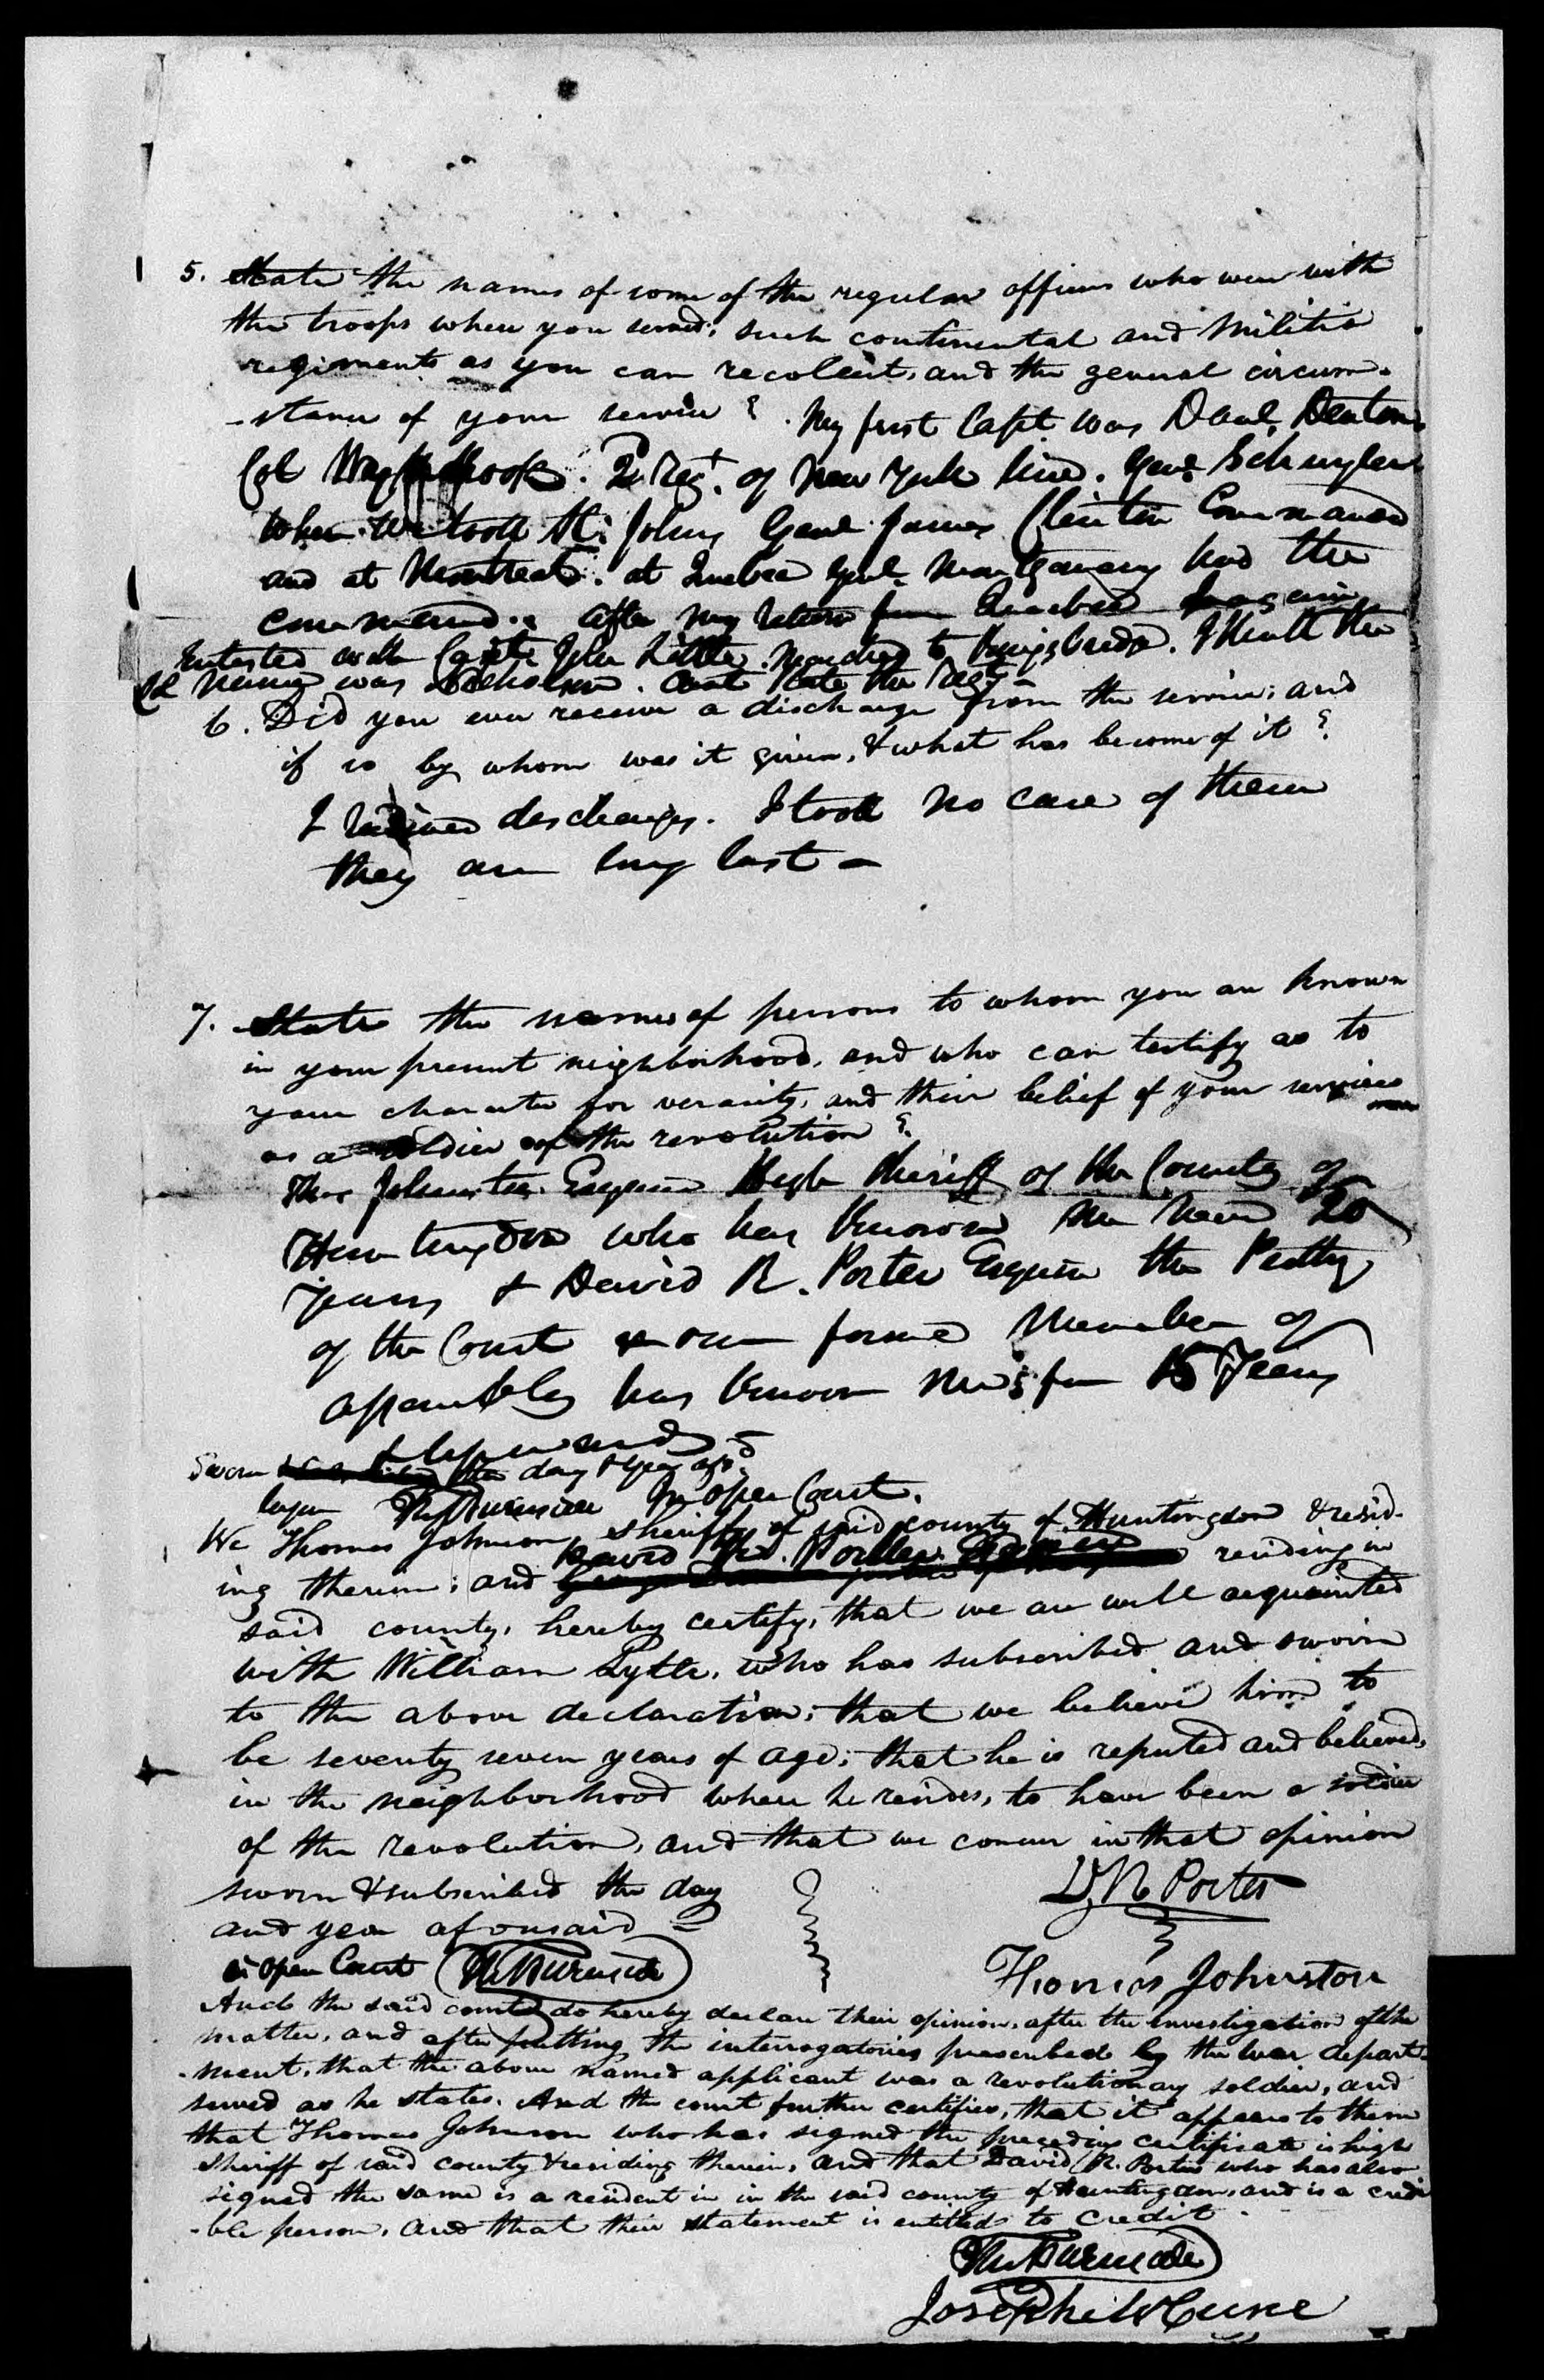5. State the names of some of the regular officers who were with the troops when you served, such continental and Militia regiments as you can recollect, and the general circumstance of your service?
My first Capt was Dan'l Denton; Col.Wynkoop, 2nd Regt of New York line, Gen Schuyler when
we took St. Johns,  Gen James Clinton Commanded and at Montreal. at Quebec Genl Montgomery had the command. after my return from Quebec I again enlisted with Capt. John Little; marched to Kings Bridge. I think the Col name was Nicholson. Can't state the Regt.
6. Did you ever receive a discharge from the service; and if so by whom was it given, & what has become of it?
I received discharges. I took no care of them
they are long lost - 
7 State the names of persons to whom you are known in your present neighborhood, and who can testify as to your character for veracity, and their belief of your service as a soldier of the revolution?
Thos. Johnston, Esquire High Sheriff of the County of Huntington, who has known me over 20 years & David R. Porter, Esquire
the Pro'nty [prothonotary] of the Court & our former member of Assembly has known me for 15 years.
Sworn and subscribed the day and year aforesaid.

In open Court.
We Thomas Johnston Sheriff of said County of Huntington & residing therein and David R. Porter, Esq. residing in said County, hereby certify, that we are well acquainted with
William Lytle, who has subscribed and sworn
to the above declaration, that we believe him to be seventy seven years of age; that he is reputed and believed in the neighborhood where he resides, to have been a soldier
of the Revolution, and that we concur in that opinion.
Sworn & subscribed the day
and year aforesaid
[signed] D.R. Porter
[signed] Thomas Johnston

In open Court [illegible]
And the said Court do hereby declare their opinion after the investigation of the matter, and after putting the interrogatories prescribed by the war department, that the above named applicant was a revolutionary soldier, and served as he states. And the court further certifies, that it appears to them
that Thomas Johns[t]on who has signed the preceding certificate is high Sheriff of said County residing therein, and that David R. Porter who has also signed the same is a resident in in the said County of Huntingdon and is a creditable person, and that their statement is entitled to credit
[signed] illegible
[signed] Joseph W Cune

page: 7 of 24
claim: survivor's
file: S. 13810, for William Lytle, New York